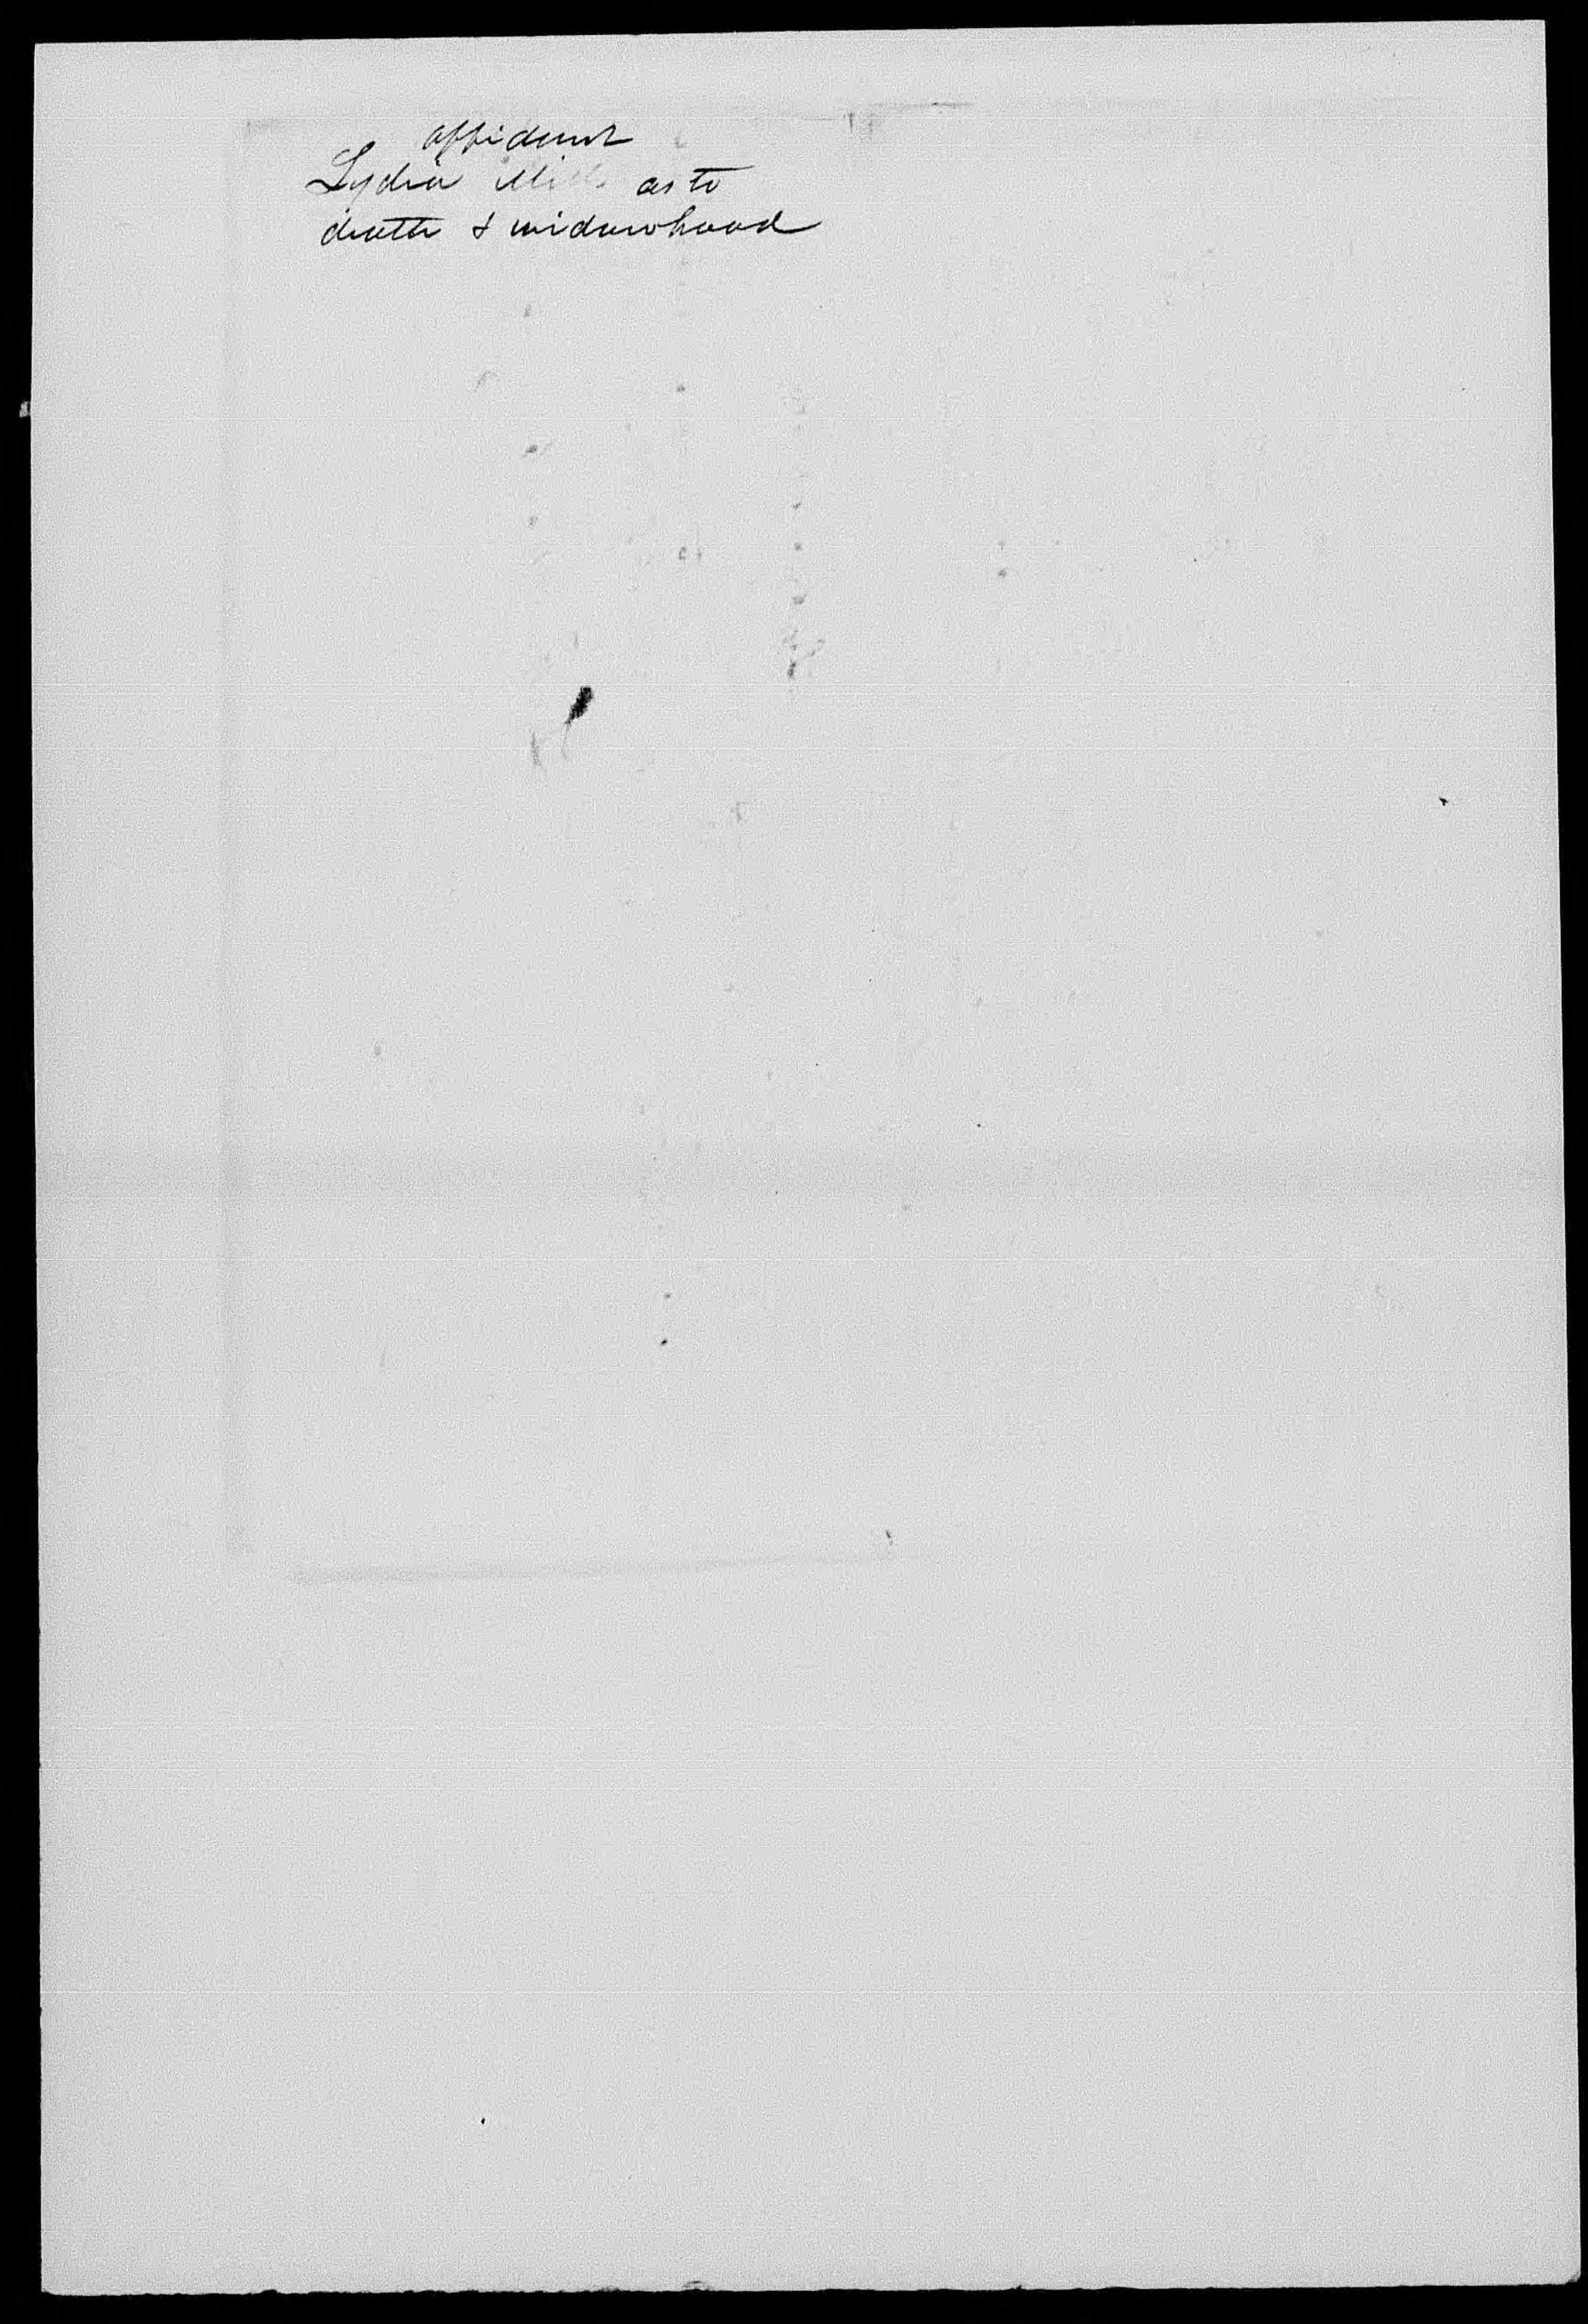Affidavit
Lydia Mills as to 
death & widowhood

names: Lydia Mills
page: 12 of 22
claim: widow's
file: W. 22984, John Dwinnell, Mass.